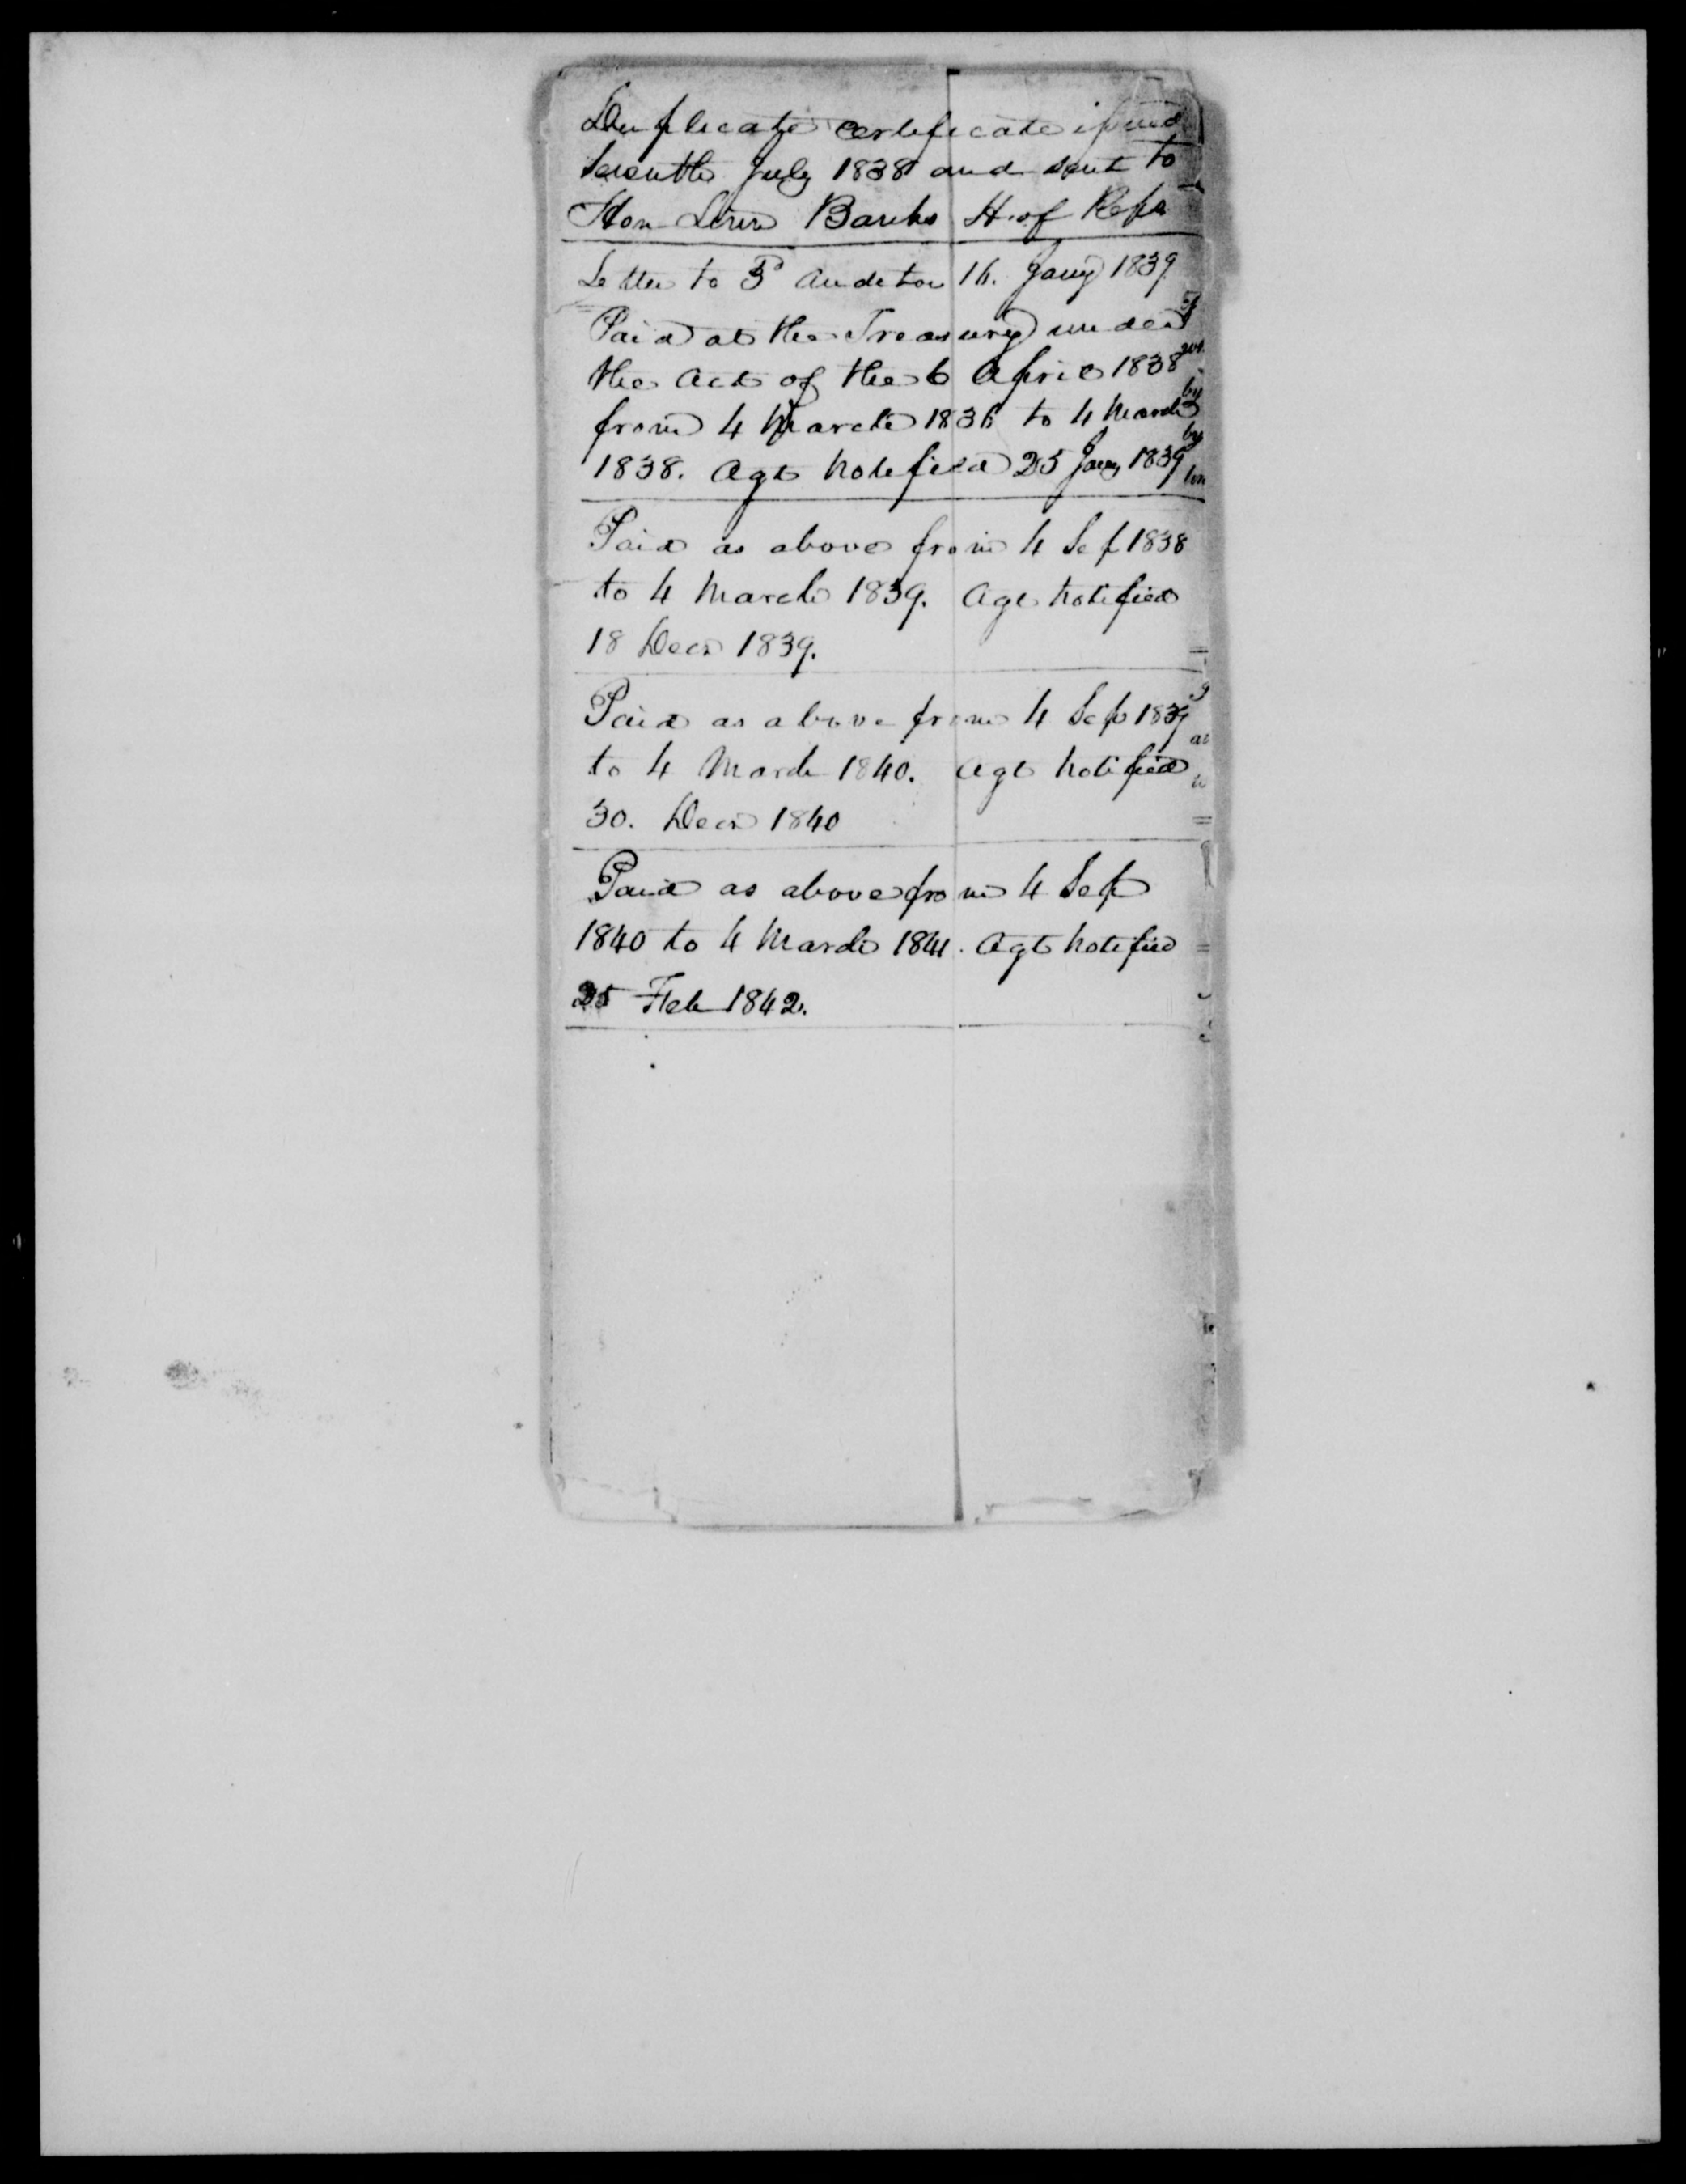Duplicate Certificate if needed Seventh July 1838 and sent to Hon. Lewis Banks H. of Reps Letter to Auditor 16 Jany 1839. Paid at the Treasury under the act of the 6 April 1838 from 4 March 1836 to 4 March 1838. Agt Notified 25 June 1839
Paid as above from 4 Sep 1838 to 4 March 1839. Agt Notified 18 Dec 1839.
Paid as above from 4 Sep 1840 to 4 March 1841. 30. Agt notified 25 Feb 1842.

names: Linn Banks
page: 3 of 23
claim: survivor's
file: S. 6,125, for Thomas Smith, Virginia